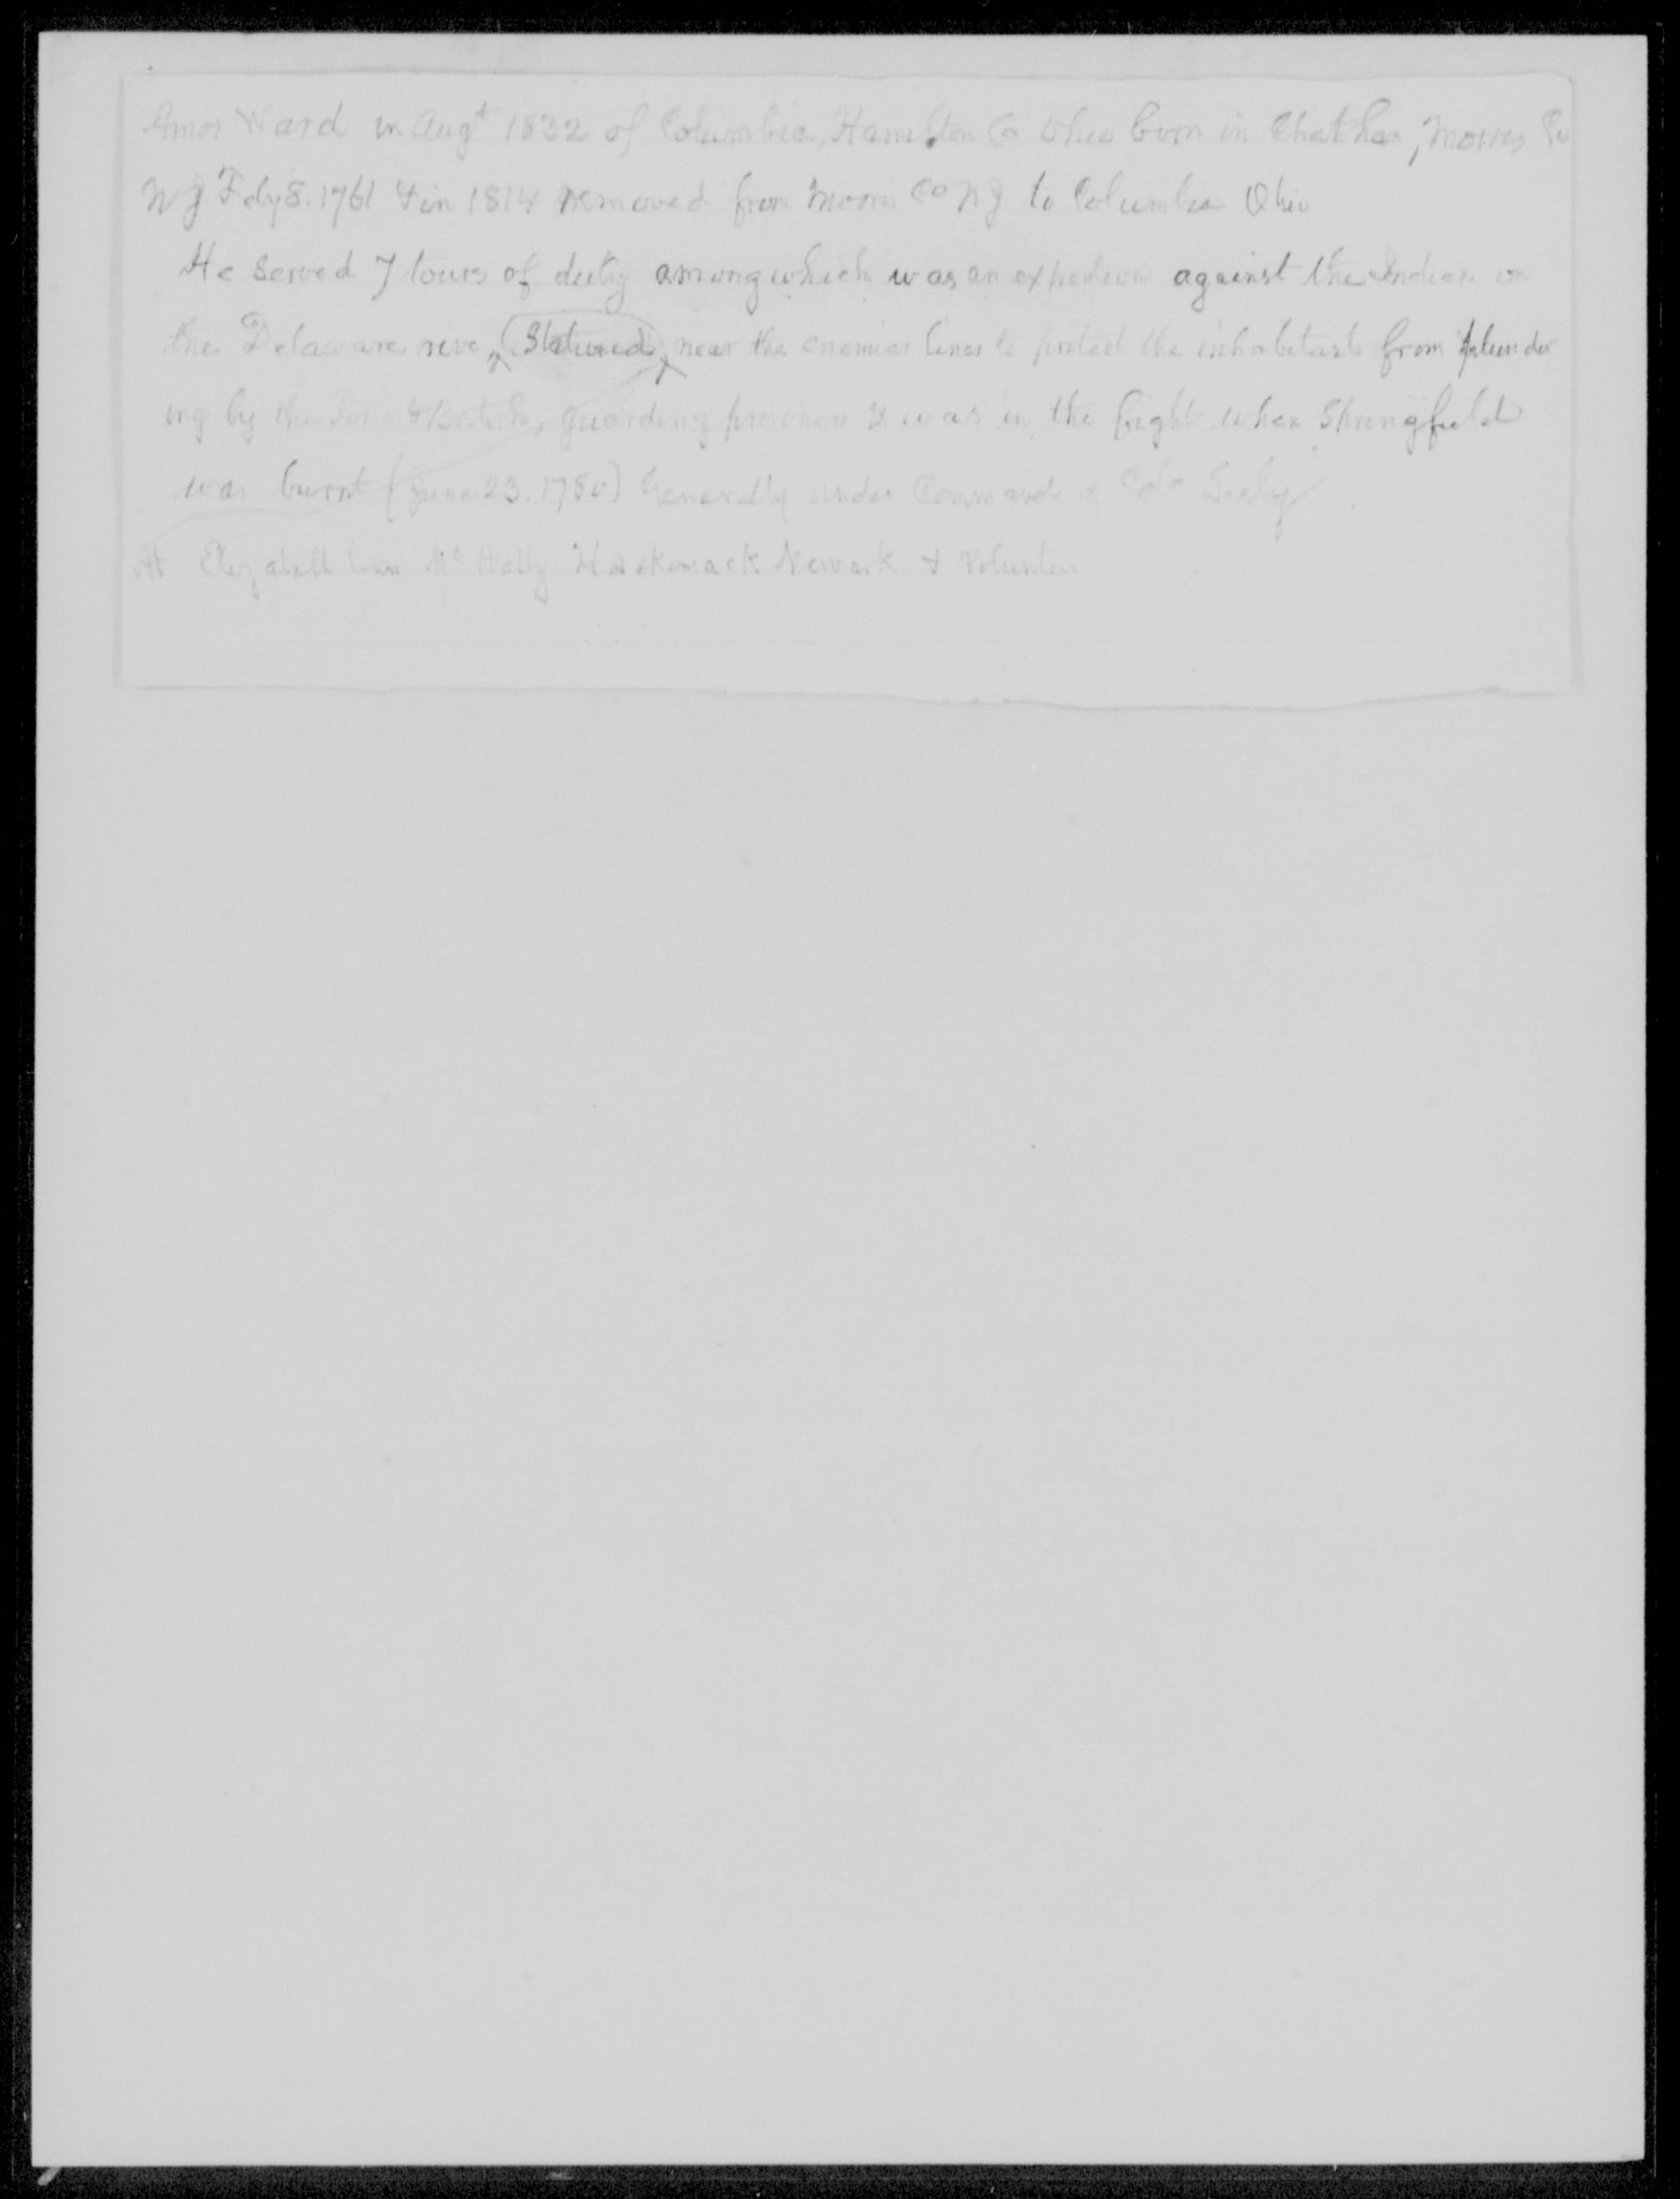Amos Ward in Augt. 1832 of Columbia, Hamilton Co. Ohio born in Chatham, Morris Co  NJ Feby. 1761 & in 1814 removed from Morris Co NJ to Columbia Ohio
He served 7 tours of duty among which was an expedition against the Indians on the Delaware river near the enemies lines to protect the inhabitants from plundering by the Tories & British, guarding prisoners. I was in the fight when Springfield was burnt (June 23. 1780) Generally under Command of Colonel Seely.  Stationed at Elizabethtown. Mt Holly  Hackensack  Newark & volunteer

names: Amos Ward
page: 17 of 18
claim: survivor's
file: S. 4718, Amos Ward, New Jersey